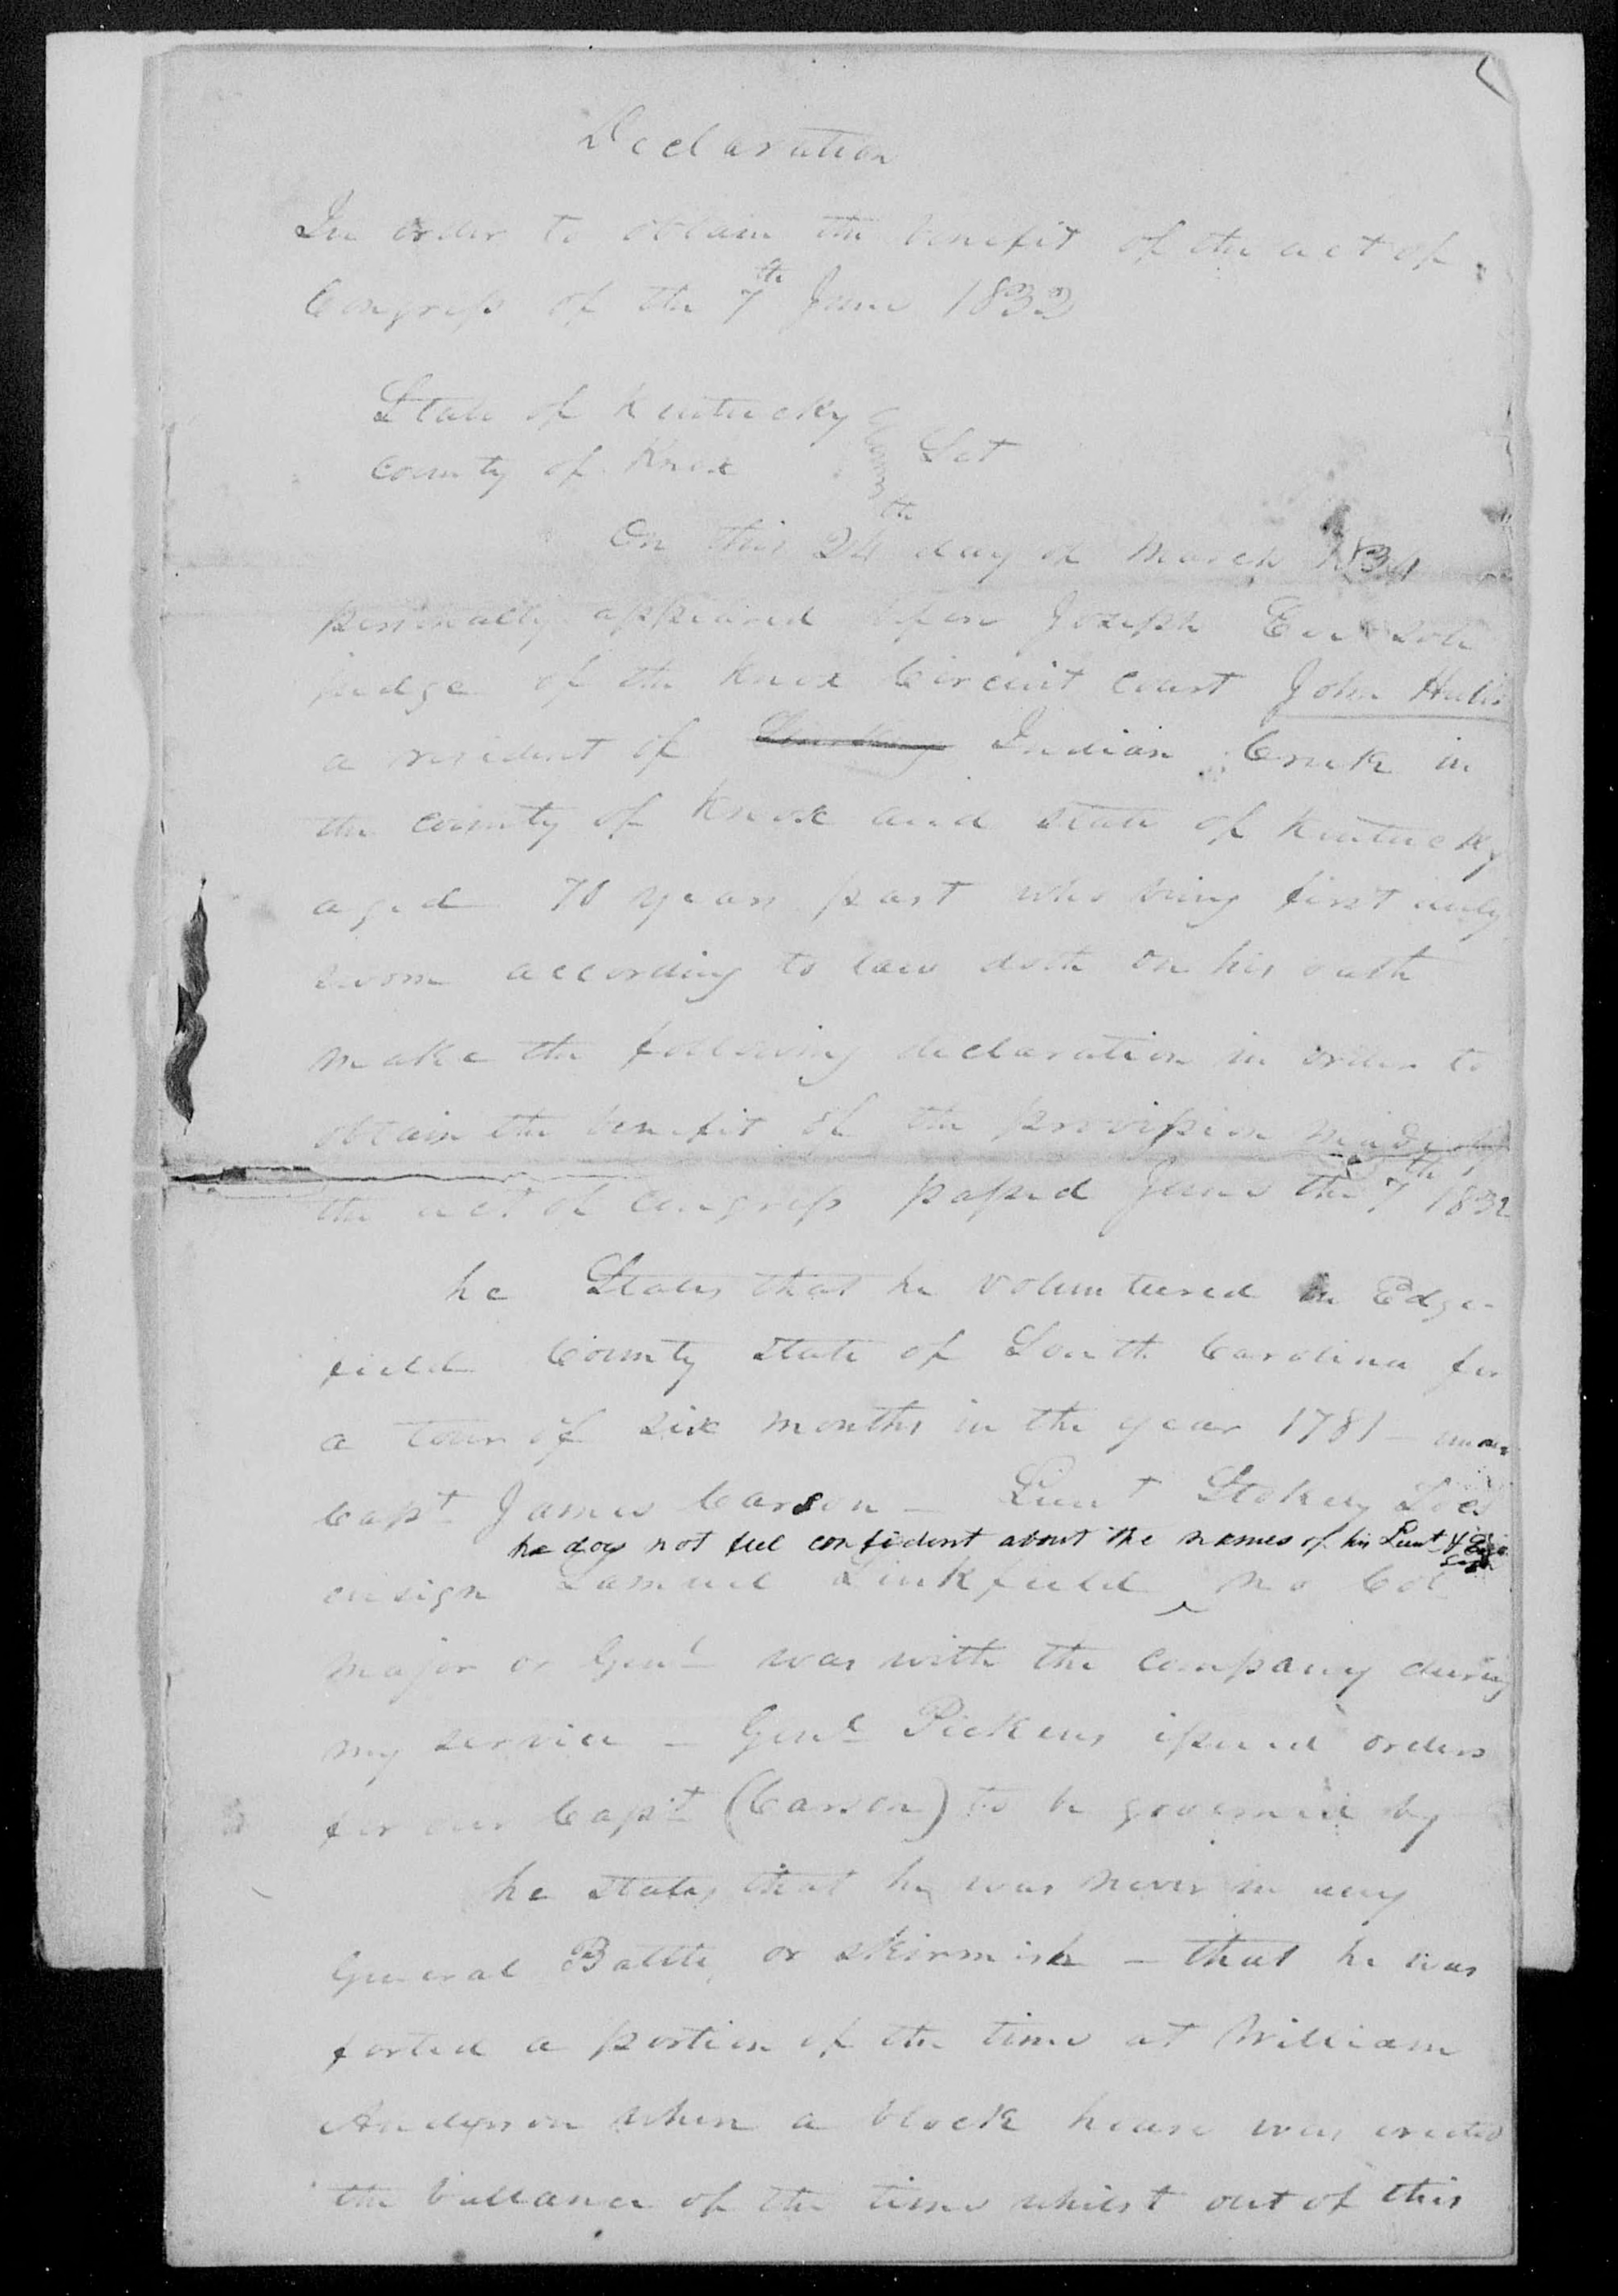Declaration in order to obtain the benefit of the act of Congress of the 7th June 1832 . [ State of Kentucky  County of Knox ] On this 24th day of March 1831  personally appeared  before Joseph Carson Judge of the Knox Circuit Court  John Hubbs a resident of Indian Creek in the County of Knox  and State of Kentucky  aged 70  years past who being first duly sworn according to law doth on his oath make the following declaration in order to obtain the benefit of the provision  of the act of Congress passed June the 7th 1832. He state that he volunteered in  Edgefield County  State of  South Carolina for a tour of six months in the year 1781  under Capt. James Carden  - Lieut. Stokely Lee, Ensign  Samuel  Linkfield  (note ) ( he does not feel confident about the names of his Lieut. & ensign )  , no  Col. , Major or Genl was with the company during my service - Genl. Pickens issued orders for our Capt. ( Carson ) to be  governed by . He state that he was never in any  general battle or skirmish - that he was forted a portion of the time at William  Anderson when a block house was erected the balance of the time whilst out of this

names: John Hubbs, Pickens, Battle, William Anderson, J Eue, Joseph Ellison, James Carson, Skirm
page: 6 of 86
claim: widow's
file: W. 1035, John Hubbs, S.C.